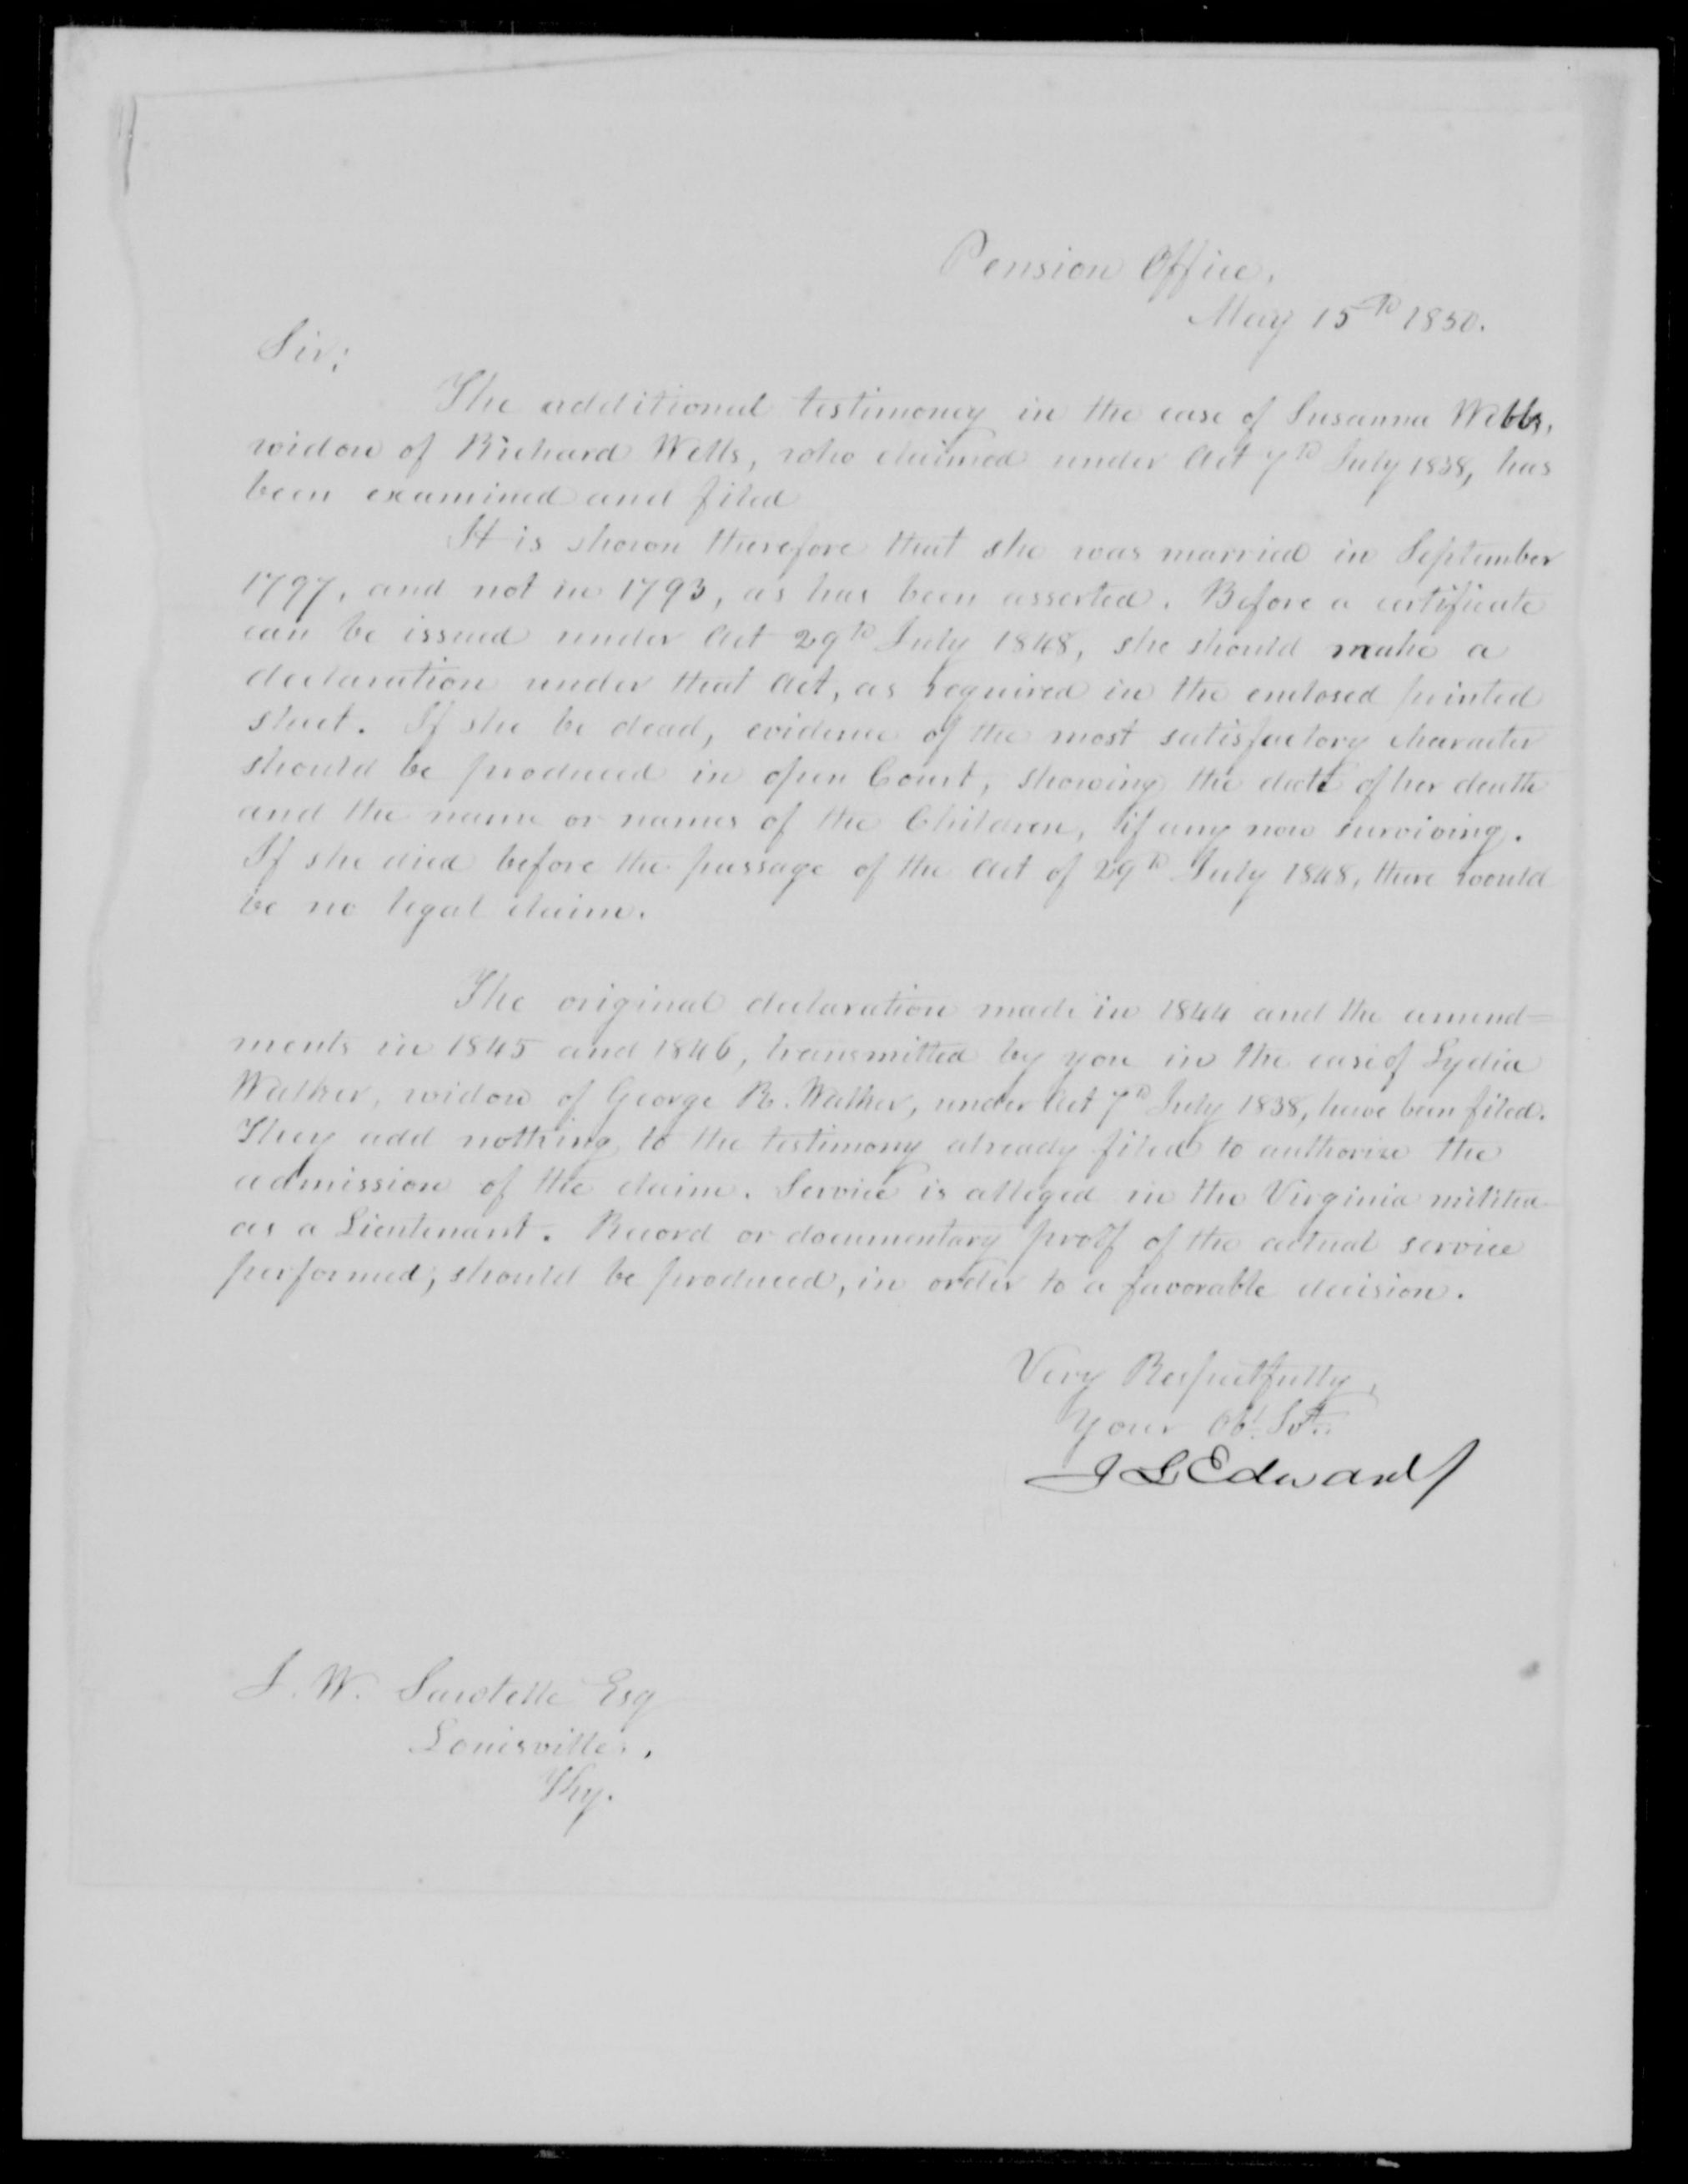Pension Office May 15th 1850.  Sir : The additional testimony in the case of Susanna Wells widow who claimed under Act of 7th July 1838, has been examined and filed . It is shown therefore that she was married in September of 1797 , and not in 1793, as has been asserted. Before a certificate can be  issued under the Act 29th July 1848, she should make a declaration under that act , as required in the enclosed printed sheet. If she be dead, evidence of the most satisfactory character should be produced in open Court, showing the date of her death  and the name or names of the children , if any now surviving. If she died before the passage of the Act of 29th July 1848, there will be no legal claim. The original declaration made in 1844 and the amendments made in  1845 and 1846, transmitted by you in the case of Lydia Walker, widow of George R. Walker, under Act 7th July 1838, have been filed. They add nothing to the testimony already filed to authorize the admission of the claim. Service is alleged in the Virginia militia as a Lieutenant. Record or documentary proof of the actual service performed, should be  produced , in order to a favorable decision. Very Respectfully  Your Obt Servt. J. L Edwards ( signed )             J. W. Sawtelle Esq Louisville, Ky.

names: J L Edwards, J W Sawtelle, Lydia Walker, George R Walker, Susanna Wells, Richard Wells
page: 46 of 100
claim: widow's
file: W. 6437, Richard Wells, Ga Va.